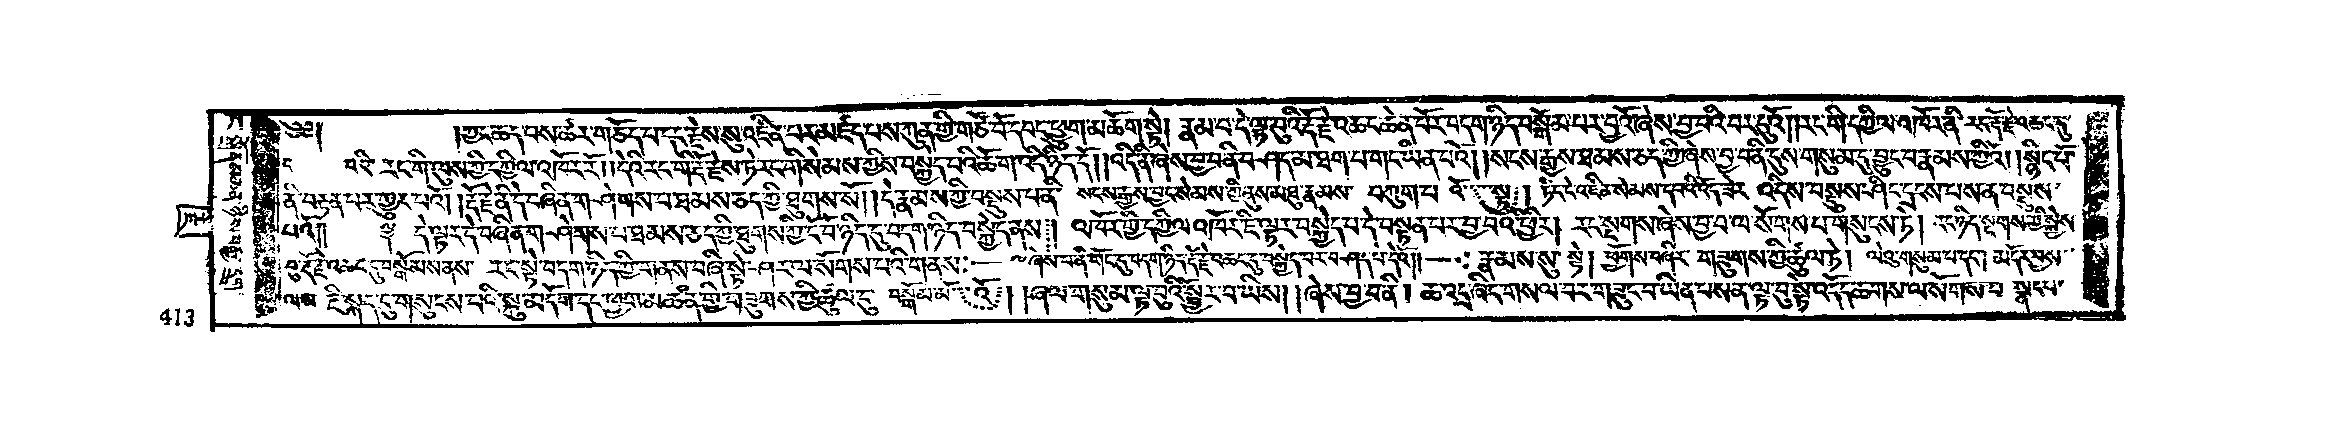༄༅། །ཀྱང་ཆད་པས་ཚར་གཅོད་པ་དང་རྗེས་སུ་འཛིན་པར་མཛད་པས་ཀུན་གྱི་གཙོ་བོ་དབང་ཕྱུག་མཆོག་སྟེ། རྣམ་པ་དེ་ལྟ་བུའི་རྡོ་རྗེ་འཆང་ཆེན་པོར་བདག་ཉིད་བསྒོམ་པར་བྱའོ་ཞེས་བྱ་བའི་བར་དུའོ། །རང་གི་དཀྱིལ་འཁོར་ནི་རང་རྡོ་རྗེ་འཆང་དུ་
བསྒོམས་པའི་རང་གི་ལུས་ཀྱི་དཀྱིལ་འཁོར་རོ། །དེའི་རང་གི་རྡོ་རྗེས་ཏེ་རང་གི་སེམས་ཀྱིས་བསྐྱེད་པའི་ཆོ་ག་འདི་ཉིད་དོ། །འདི་ནི་ཞེས་བྱ་བ་ནི་བཤད་མ་ཐག་པ་གང་ཡིན་པའོ། །སངས་རྒྱས་ཐམས་ཅད་ཀྱི་ཞེས་བྱ་བ་ནི་དུས་གསུམ་དུ་བྱུང་བ་རྣམས་ཀྱིའོ། །སྙིང་པོ་
ནི་བརྟན་པར་གྱུར་པའོ། །རྡོ་རྗེ་ནི་དེ་བཞིན་གཤེགས་པ་ཐམས་ཅད་ཀྱི་ཐུགས་སོ། །དེ་རྣམས་ཀྱི་བསྡུས་པ་ནི་སངས་རྒྱས་བྱང་སེམས་ཀྱི་ནུས་མཐུ་རྣམས་བཀུག་པའོ་སྟེ། ཏིང་ངེ་འཛིན་སེམས་དཔའི་འོད་ཟེར་འདིས་བསྡུས་ཤིང་དྲངས་པས་ན་བསྡུས་
པའོ།། ༈ དེ་ལྟར་དེ་བཞིན་གཤེགས་པ་ཐམས་ཅད་ཀྱི་ཐུགས་ཀྱི་ངོ་བོ་ཉིད་དུ་བདག་ཉིད་བསྐྱེད་ནས། འཁོར་གྱི་དཀྱིལ་འཁོར་ཇི་ལྟར་བསྐྱེད་པ་དེ་བསྟན་པར་བྱ་བའི་ཕྱིར། རང་སྔགས་ཞེས་བྱ་བ་ལ་སོགས་པ་གསུངས་ཏེ། རང་ཉིད་སྔགས་ཀྱི་སྐྱེས་
བུ་རྡོ་རྗེ་འཆང་དུ་བསྒོམས་ནས་རང་སྟེ་བདག་ཉིད་ཀྱི་གནས་བཞི་སྟེ་ཤར་ལ་སོགས་པའི་གནས་H.་༧ཞེས་པ་ནི་གོང་དུ་བདག་ཉིད་རྡོ་རྗེ་འཆང་དུ་བསྐྱེད་པར་བཤད་པ་དེའོ།།  .H རྣམས་སུ་སྟེ། ཕྱོགས་བཞིར་གཟུགས་ཀྱི་ཚུལ་ཏེ། ལེའུ་གསུམ་པ་དང་། མདོར་བྱས་
ལས་ཇི་སྐད་དུ་གསུངས་པའི་སྐུ་མདོག་དང་ཕྱག་མཚན་གྱི་གཟུགས་ཀྱི་ཚུལ་དུ་བསྒོམ་མོའོ། །ཞལ་གསུམ་ལྟ་བུའི་སྦྱོར་བ་ཡིས། །ཞེས་བྱ་བ་ནི། ཆ་འདྲ་ཞིང་གསལ་བར་གཟུང་བ་ཡིན་པས་ན་ལྟ་བུ་སྟེ་འདོད་ཆགས་ལ་སོགས་པ་སྣང་བ་